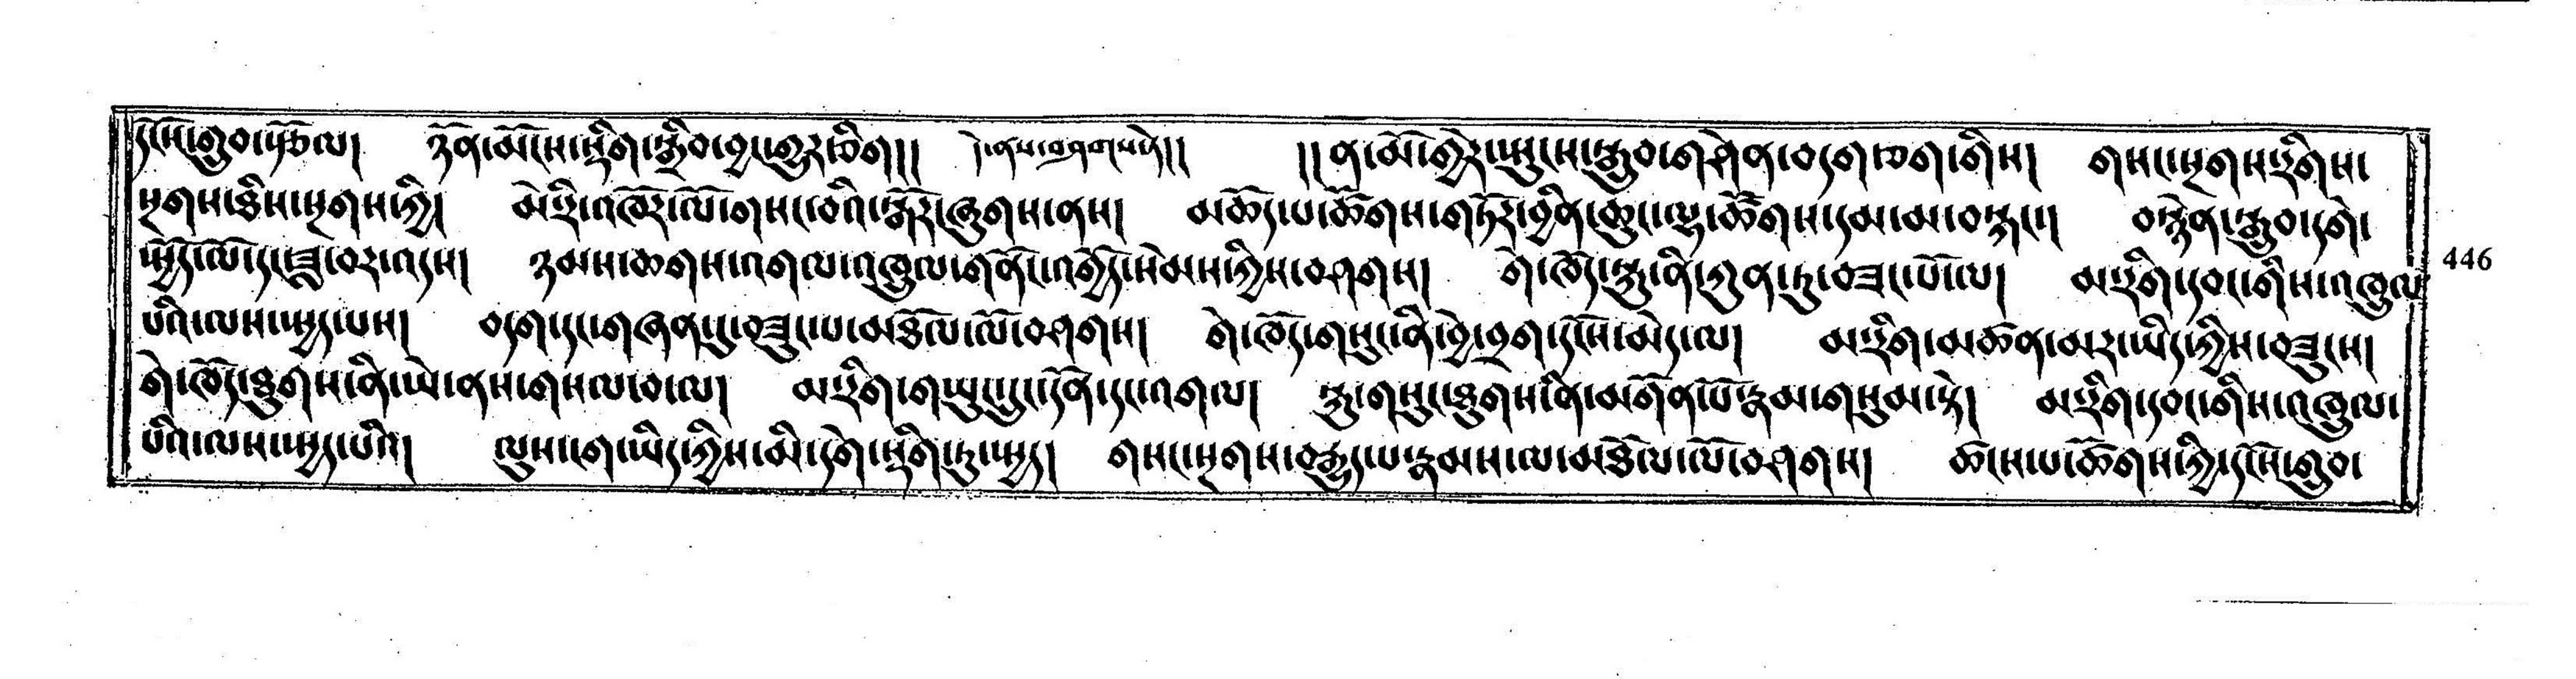དངོས་གྲུབ་སྩོལ། ཉོན་མོངས་སྡིག་སྒྲིབ་བྱང་གྱུར་ཅིག །དེ་ནས་བཤགས་ཏེ།། །།ན་མོ་གྱེར་སྤུངས་སྒྲུབ་གཤེན་བདག་ཅག་གིས། གསང་སྔགས་རིགས་
སྔགས་ཐིས་སྔགས་ཀྱི། མེ་རི་འཁོར་ལོ་གསང་བའི་སྒོར་ཞུགས་ནས། མཆོད་པ་ཚོགས་གཏོར་བྱིན་ཆུང་ལྷ་ཚོགས་དམ་མ་བསྐང་། བསྙེན་སྒྲུབ་དགེ་
སྤྱོད་ལོ་དང་ཟླ་བར་འདས། {459}ཉམས་ཆགས་འགལ་འཁྲུལ་གནོང་འགྱོད་སེམས་ཀྱིས་བཤགས། གེ་ཁོད་སྐུ་ནི་ཀུན་ཏུ་བཟང་པོ་ལ། མ་རིག་དབང་གིས་འཁྲུལ་
པའི་ལས་སྤྱད་པས། བདག་དང་གཞན་དུ་བཟུང་པ་མཐོལ་ལོ་བཤགས། གེ་ཁོད་གསུང་ནི་བྱེ་བྲག་དངོས་མེད་ལ། མ་རིག་མཚན་མར་ཡིད་ཀྱིས་བཟུངས། 
གེ་ཁོད་ཐུགས་ནི་ཡེ་ནས་གསལ་བ་ལ། མ་རིག་གཡུང་དྲུང་དོན་དང་འགལ། སྐུ་གསུང་ཐུགས་ནི་མགོན་པོ་རྣམ་གསུམ་སྟེ། མ་རིག་དབང་གིས་འཁྲུལ་
པའི་ལས་སྤྱད་པའི། ལུས་ངག་ཡིད་ཀྱིས་མི་དགེ་སྡིག་ཏུ་སྤྱད། གསང་སྔགས་བརྒྱུད་པ་རྣམས་ལ་མཐོལ་ལོ་བཤགས། ཚངས་པ་ཚོགས་ཀྱི་དངོས་གྲུབ་